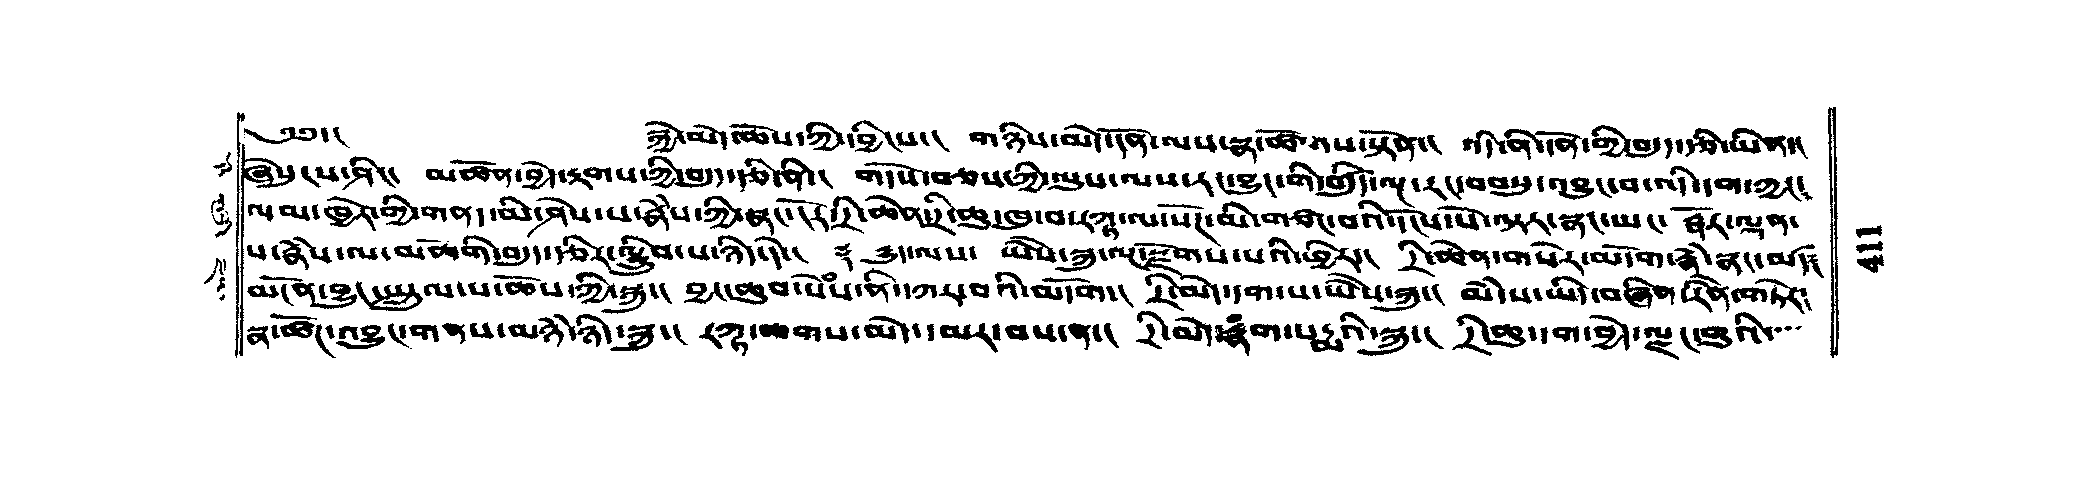སྐྱེ་མེད་ཆོས་ཀྱི་དབྱིངས། །གཉིས་མེད་དོན་ལས་སྣ་ཚོགས་སྟོན། །འདི་ནི་དོན་གྱི་བདུད་རྩི་ཡིན། 
ཞེས་གསུངས་ཤིང་། མཚོན་བྱེད་རྟགས་ཀྱི་བདུད་རྩི་ནི། གདོས་བཅས་ཀྱི་ལུས་ལས་རང་བྱུང་གི་བདུད་རྩི་ལྔ་རང་བབས་སུ་འབྱུང་བ་འདི་དག་ཀྱང་
ལམ་ཁྱེར་གྱི་གནད་མི་ཤེས་པ་རྣམས་ཀྱི་སྣང་ངོར་དྲི་ཆེན་དྲི་ཆུ་ཁུ་བ་རཀྟ་ལ་སོགས་མི་གཙང་བའི་དངོས་པོ་ལྟར་སྣང་ཡང་། རྣལ་འབྱོར་ལྡན་
པ་རྣམས་ལ་མཆོག་གི་བདུད་རྩིར་ལྷུན་གྱིས་གྲུབ་པ་ཉིད་དེ། རྒྱུད་ལས། ཡེ་ཤེས་སྐུ་ལྔ་རྫོགས་པའི་ཕྱིར། །དྲི་ཆེན་གསེར་མདོག་རྣམ་སྣང་མཛད། །
མངོན་བྱུང་སྤྲུལ་པ་ཆོས་ཀྱི་སྐུ། །བྱང་ཆུབ་སེམས་ནི་དཀར་བའི་མདོག དྲི་མེད་དག་པ་ཡེ་ཤེས་སྐུ། །མཾ་ས་ཡིད་བཞིན་རིན་ཆེན་གཏེར། །
སྣ་ཚོགས་འབྱུང་གནས་མཉམ་ཉིད་སྐུ། །རཀྟ་ཆགས་མེད་དམར་བས་ན། །དྲི་མེད་རྣམ་དག་པདྨའི་སྐུ། །དྲི་ཆུ་དག་བྱེད་ལྗང་ཁུའི་